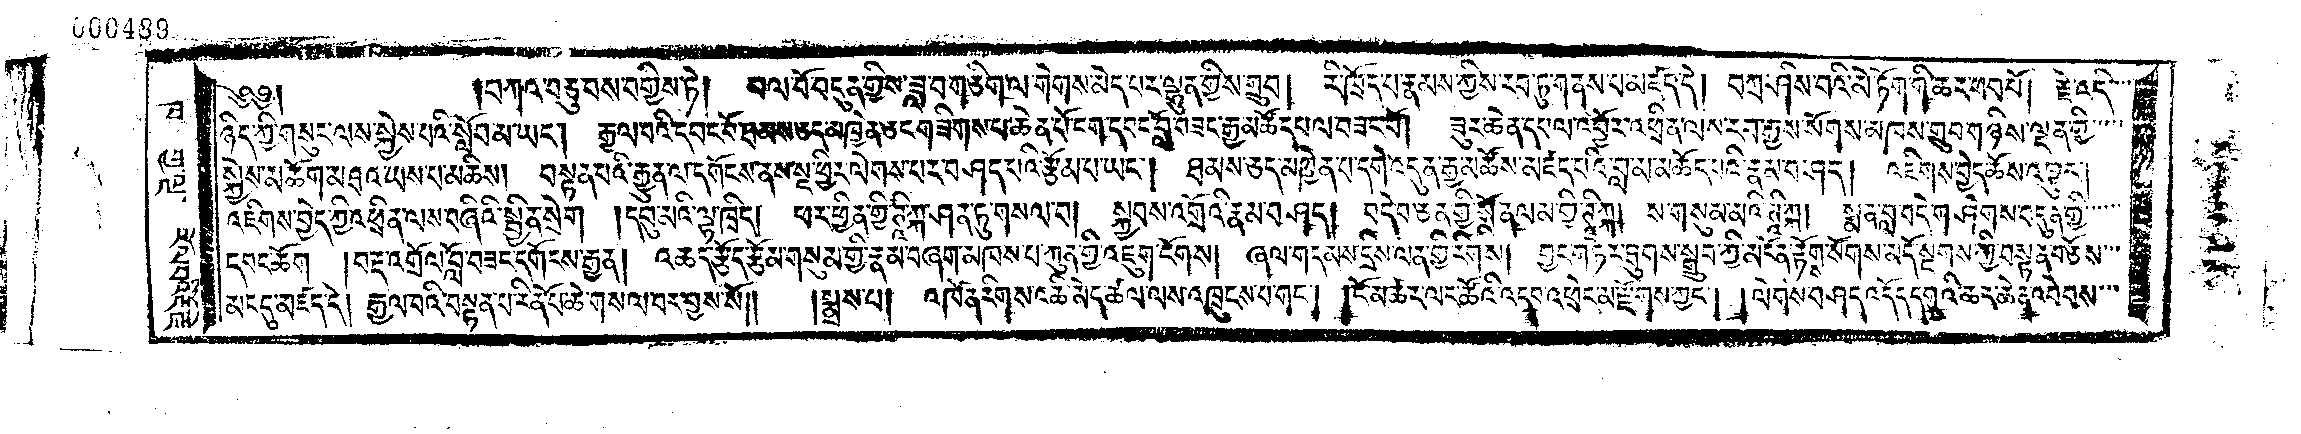༄༅། །བཀའ་བཅུ་པས་བགྱིས་ཏེ། བལ་པོ་བདུན་གྱིས་ཟླ་བ་གཅིག་ལ་གེགས་མེད་པར་ལྷུན་གྱིས་གྲུབ། རི་ཁྲོད་པ་རྣམས་ཀྱིས་རབ་ཏུ་གནས་པ་མཛད་དེ། བཀྲ་ཤིས་པའི་མེ་ཏོག་གི་ཆར་ཕབ་པོ། རྗེ་འདི་
ཉིད་ཀྱི་གསུང་ལས་སྐྱེས་པའི་སློབ་མ་ཡང་། རྒྱལ་བའི་དབང་པོ་ཐམས་ཅད་མཁྱེན་ཅིང་གཟིགས་པ་ཆེན་པོ་ངག་དབང་བློ་བཟང་རྒྱ་མཚོ་དཔལ་བཟང་པོ། ཟུར་ཆེན་དཔལ་འབྱོར་འཕྲིན་ལས་རབ་རྒྱས་སོགས་མཁས་གྲུབ་གཉིས་ལྡན་གྱི་
སྐྱེས་མཆོག་མཐའ་ཡས་པ་མཆིས། བསྟན་པའི་རྒྱུན་ལ་དགོངས་ནས་སྔ་ཕྱིར་ལེགས་པར་བཤད་པའི་རྩོམ་པ་ཡང་། ཐམས་ཅད་མཁྱེན་པ་དགེ་འདུན་རྒྱ་མཚོས་མཛད་པའི་བླ་མ་མཆོད་པའི་རྣམ་བཤད། འཇིགས་བྱེད་ཆོས་འབྱུང་།
འཇིགས་བྱེད་ཀྱི་འཕྲིན་ལས་བཞིའི་སྦྱིན་སྲེག །དབུ་མའི་ལྟ་ཁྲིད། ཕར་ཕྱིན་གྱི་ཊཱིཀྐ་ཤིན་ཏུ་གསལ་བ། སྐྱབས་འགྲོའི་རྣམ་བཤད། བདེ་བ་ཅན་གྱི་སྨོན་ལམ་གྱི་ཊཱིཀྐ། ས་གསུམ་མའི་ཊཱིཀྐ། སྨན་བླ་བདེ་གཤེགས་བདུན་གྱི་
དབང་ཆོག །བརྡ་འགྲོལ་བློ་བཟང་དགོངས་རྒྱན། འཆད་རྩོད་རྩོམ་གསུམ་གྱི་རྣམ་བཞག་མཁས་པ་ཀུན་གྱི་འཇུག་ངོགས། ཞལ་གདམས་དྲིས་ལན་གྱི་རིགས། བྱང་གཏེར་ཐུགས་སྒྲུབ་ཀྱི་མངོན་རྟོགས་སོགས་མདོ་སྔགས་ཀྱི་བསྟན་བཅོས་
མང་དུ་མཛད་དེ། རྒྱལ་བའི་བསྟན་པ་རིན་པོ་ཆེ་གསལ་བར་བྱས་སོ།། །།སྨྲས་པ། འཁོན་རིགས་འཆི་མེད་ཚལ་ལས་འཁྲུངས་པ་གང་། །ངོ་མཚར་ལང་ཚོའི་འདབ་འཕྲེང་མ་རྫོགས་ཀྱང་། །ལེགས་བཤད་འདོད་དགུའི་ཆར་ཆེན་འབེབས་